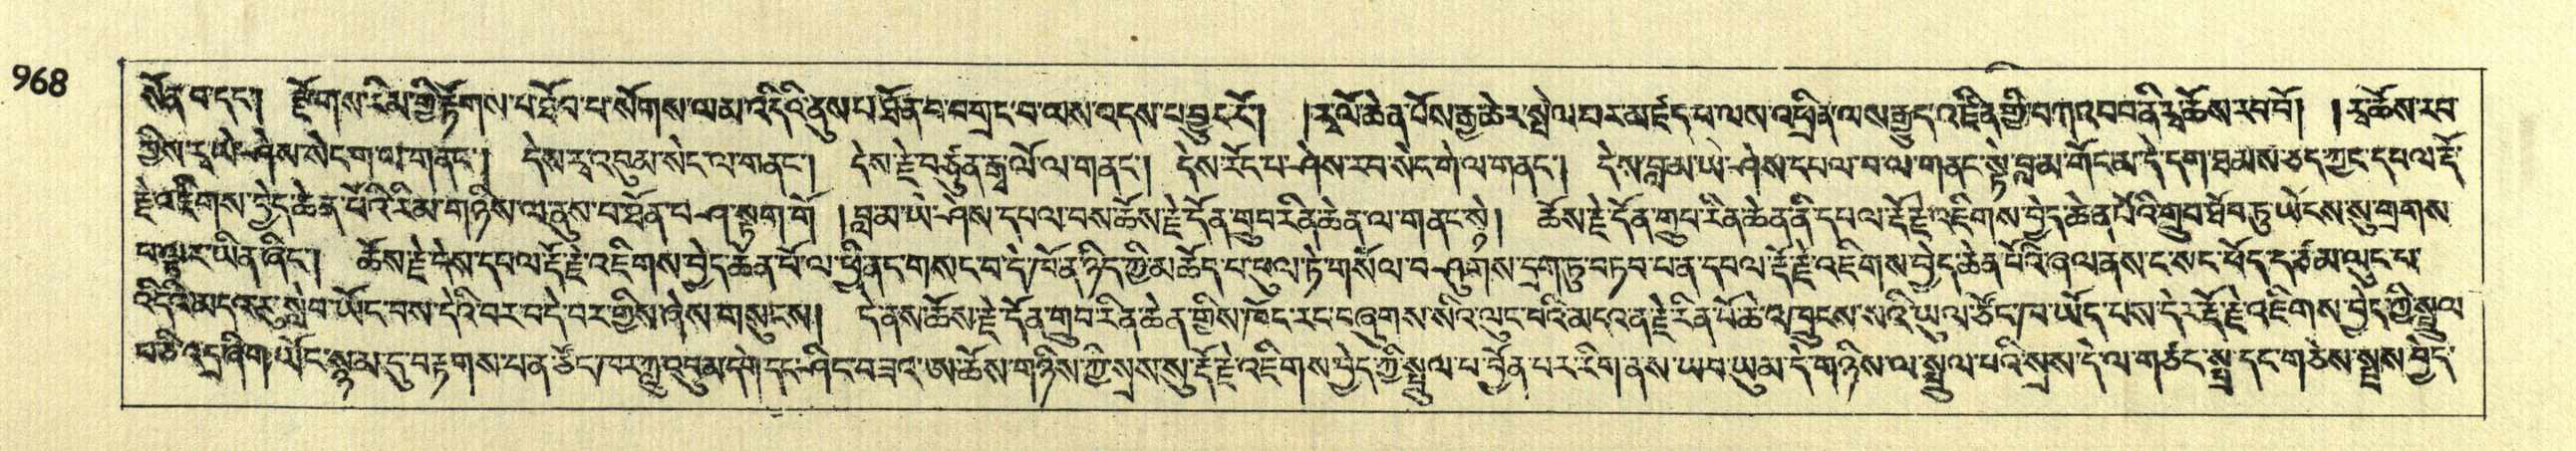སོན་བ་དང་། རྫོགས་རིམ་གྱི་རྟོགས་པ་ཐོབ་པ་སོགས་ལམ་འདིའི་ནུས་པ་ཐོན་བ་བགྲང་བ་ལས་འདས་པ་བྱུང་ངོ། །རྭ་ལོ་ཆེན་བོས་རྒྱ་ཆེར་སྤེལ་བར་མཛད་པ་ལས་འཕྲིན་ལས་རྒྱུད་འཛིན་གྱི་བཀའ་བབ་ནི་རྭ་ཆོས་རབ་བོ། །རྭ་ཆོས་རབ་
ཀྱིས་རྭ་ཡེ་ཤེས་སེང་ག་ལ་གནང་། དེས་རྭ་འབུམ་སེང་ལ་གནང་། དེས་རྗེ་བཙུན་རྒྭ་ལོ་ལ་གནང་། དེས་རོང་པ་ཤེས་རབ་སེང་གེ་ལ་གནང་། དེས་བླ་མ་ཡེ་ཤེས་དཔལ་བ་ལ་གནང་སྟེ་བླ་མ་གོང་མ་དེ་དག་ཐམས་ཅད་ཀྱང་དཔལ་རྡོ་
རྗེ་འཇིགས་བྱེད་ཆེན་པོའི་རིམ་གཉིས་ལ་ནུས་པ་ཐོན་པ་ཤ་སྟག་གོ །བླ་མ་ཡེ་ཤེས་དཔལ་བས་ཆོས་རྗེ་དོན་གྲུབ་རིན་ཆེན་ལ་གནང་སྟེ། ཆོས་རྗེ་དོན་གྲུབ་རིན་ཆེན་ནི་དཔལ་རྡོ་རྗེ་འཇིགས་བྱེད་ཆེན་པོའི་གྲུབ་ཐོབ་ཏུ་ཡོངས་སུ་གྲགས་
པ་ལྟར་ཡིན་ཞིང་། ཆོས་རྗེ་དེས་དཔལ་རྡོ་རྗེ་འཇིགས་བྱེད་ཆེན་པོ་ལ་ཕྱི་ནང་གསང་བ་དེ་ཁོ་ན་ཉིད་ཀྱི་མཆོད་པ་ཕུལ་ཏེ་གསོལ་བཤུགས་དྲག་ཏུ་བཏབ་པ་ན་དཔལ་རྡོ་རྗེ་འཇིགས་བྱེད་ཆེན་པོའི་ཞལ་ནས་ང་སང་ཕོད་ད་ཙམ་ལུང་པ་
འདིའི་མདའ་རུ་སླེབ་ཡོང་བས་དེའི་བར་བདེ་བར་གྱིས་ཞེས་གསུངས། དེ་ནས་ཆོས་རྗེ་དོན་གྲུབ་རིན་ཆེན་གྱིས་ཁོང་རང་བཞུགས་སའི་ལུང་བའི་མདའ་ན་རྗེ་རིན་པོ་ཆེ་འཁྲུངས་སའི་ཡུལ་ཙོང་ཁ་ཡོད་པས་དེར་རྡོ་རྗེ་འཇིགས་བྱེད་ཀྱི་སྤྲུལ་
པ་ཅི་འདྲ་ཞིག་ཡོང་སྙམ་དུ་བརྟགས་པ་ན་ཙོང་ཁར་ཀླུ་འབུམ་དགེ་དང་ཤིང་བཟའ་ཨ་ཆོས་གཉིས་ཀྱི་སྲས་སུ་རྡོ་རྗེ་འཇིགས་བྱེད་ཀྱི་སྤྲུལ་པ་བྱོན་པར་རིག་ནས་ཡབ་ཡུམ་དེ་གཉིས་ལ་སྤྲུལ་པའི་སྲས་དེ་ལ་གཙང་སྤྲ་དང་གཅེས་སྤྲས་བྱེད་